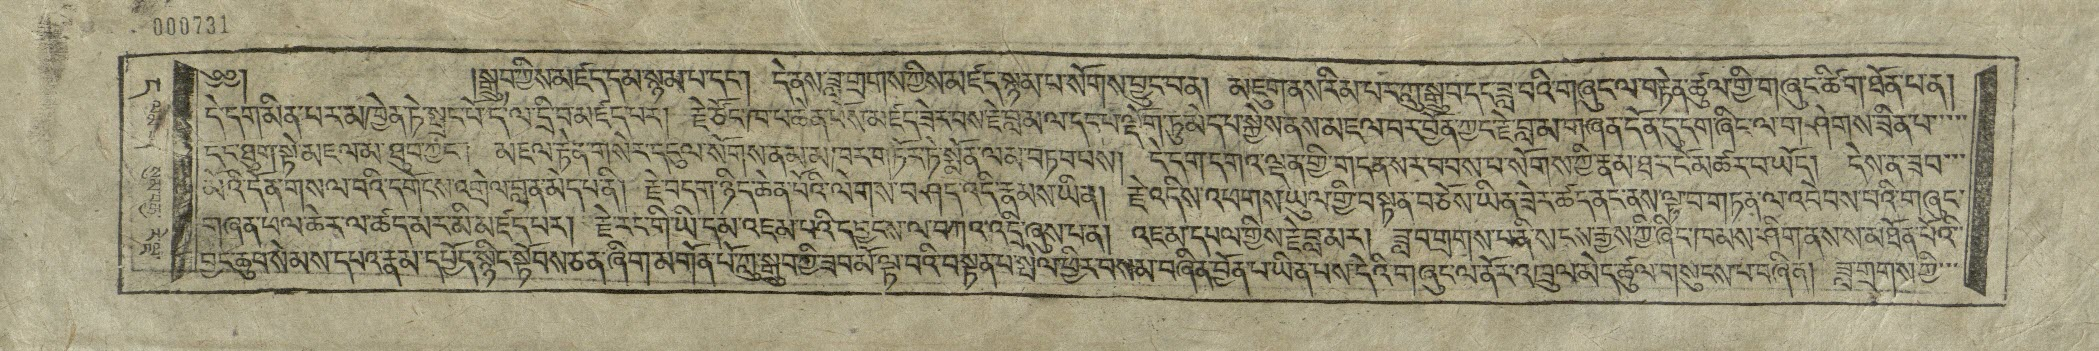༄༅། །སྒྲུབ་ཀྱིས་མཛད་དམ་སྙམ་པ་དང་། དེ་ནས་ཟླ་གྲགས་ཀྱིས་མཛད་སྙམ་པ་སོགས་བྱུང་བ་ན། མཇུག་ནས་རིམ་པར་ཀླུ་སྒྲུབ་དང་ཟླ་བའི་གཞུང་ལ་བརྟེན་ཚུལ་གྱི་གཞུང་ཚིག་ཐོན་པ་ན།
དེ་དག་མིན་པར་མཁྱེན་ཏེ་སྤྲང་པོ་དེ་ལ་དྲི་བ་མཛད་པར། རྗེ་ཙོང་ཁ་པ་ཆེན་པོས་མཛད་ཟེར་བས་རྗེ་བླ་མ་ལ་དད་པ་ལྡོག་ཏུ་མེད་པ་སྐྱེས་ནས་མཇལ་བར་བྱོན་ཀྱང་རྗེ་བླ་མ་གཞན་དོན་དུ་དག་ཞིང་ལ་གཤེགས་ཟིན་པ་
དང་ཐུག་སྟེ་མཇལ་མ་ཐུབ་ཀྱང་། མཇལ་རྟེན་གསེར་དངུལ་སོགས་ནམ་མཁར་གཏོར་ཏེ་སྨོན་ལམ་བཏབ་པས། དེ་དག་དགའ་ལྡན་གྱི་གདན་སར་བབས་པ་སོགས་ཀྱི་རྣམ་ཐར་ངོ་མཚར་བ་ཡོད། དེས་ན་ཟབ་
མོའི་དོན་གསལ་བའི་དགོངས་འགྲེལ་བླ་ན་མེད་པ་ནི། རྗེ་བདག་ཉིད་ཆེན་པོའི་ལེགས་བཤད་འདི་རྣམས་ཡིན། རྗེ་འདིས་འཕགས་ཡུལ་གྱི་བསྟན་བཅོས་ཡིན་ཟེར་ཚད་ནང་ནས་ལྟ་བ་གཏན་ལ་འབེབས་པའི་གཞུང་
གཞན་ཕལ་ཆེར་ལ་ཚད་མར་མི་མཛད་པར། རྗེ་རང་གི་ཡི་དམ་འཇམ་པའི་དབྱངས་ལ་བཀའ་འདྲི་ཞུགས་པ་ན། འཇམ་དཔལ་གྱིས་རྗེ་བླ་མར། ཟླ་བ་གྲགས་པ་ནི་སངས་རྒྱས་ཀྱི་ཞིང་ཁམས་ཤིག་ནས་ས་མཐོན་པོའི་
བྱང་ཆུབ་སེམས་དཔའ་རྣམ་དཔྱོད་སྙིང་སྟོབས་ཅན་ཞིག་མགོན་པོ་ཀླུ་སྒྲུབ་ཀྱི་ཟབ་མོ་ལྟ་བའི་བསྟན་པ་སྤེལ་ཕྱིར་བསམ་བཞིན་བྱོན་པ་ཡིན་པས་དེའི་གཞུང་ལ་ནོར་འཁྲུལ་མེད་ཚུལ་གསུངས་པ་བཞིན། ཟླ་གྲགས་ཀྱི་